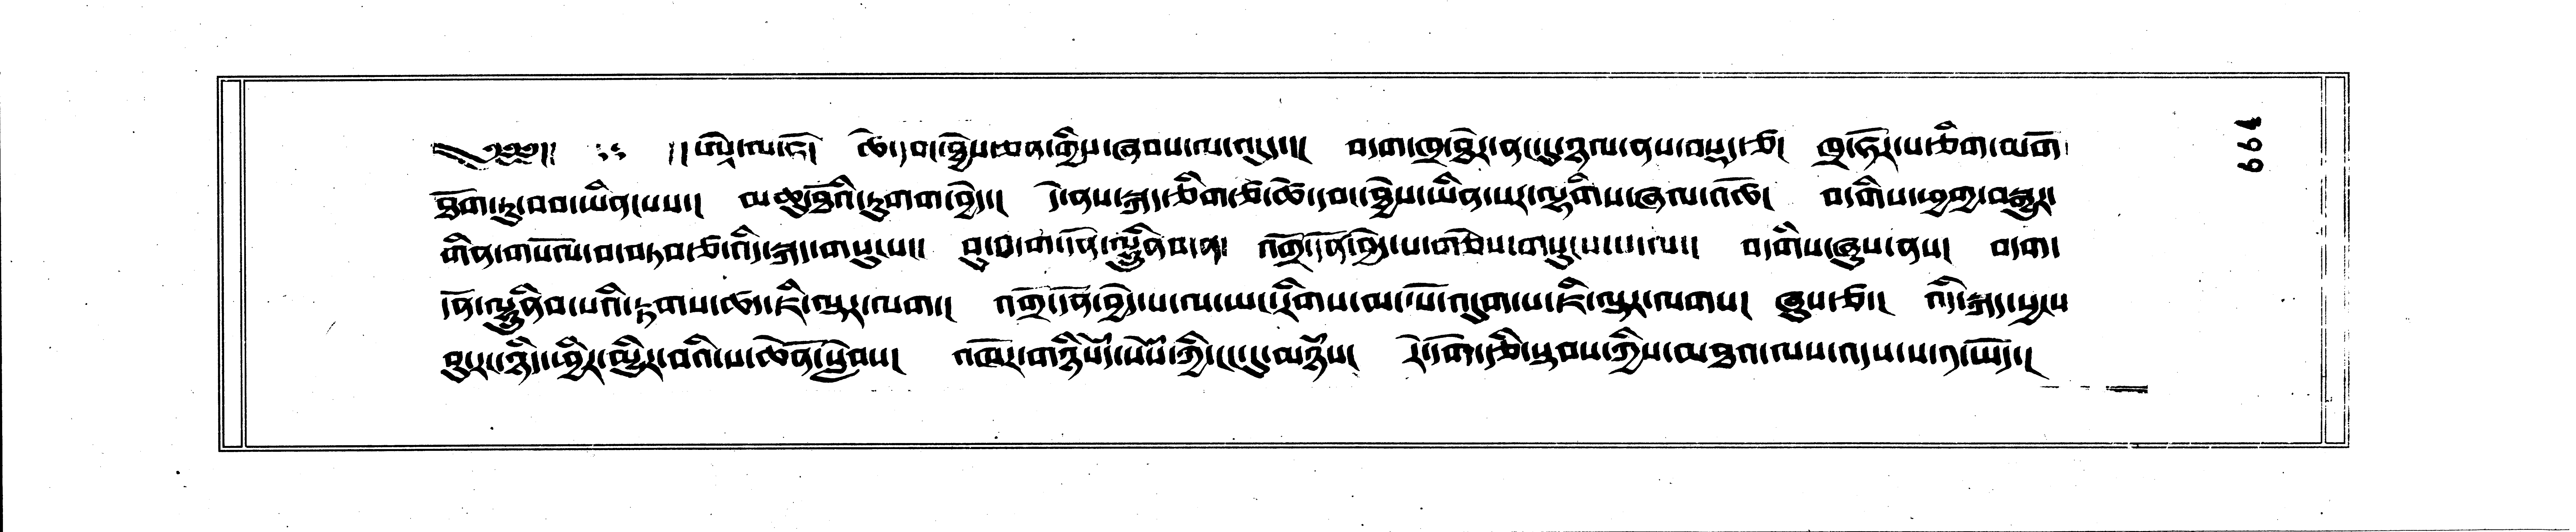ཨེ་མ་ཧོ། ཚེ་དབང་ཐུགས་རྗེ་ཅན་ལ་ཕྱག་འཚལ་འདུད། བདག་ཁྲ་ཐེར་ནང་དུ་ཉལ་ནས་བསྡད་ཙ། ཁྲ་ཧོར་པ་གཅིག་མགོ་
ཐོག་དུ་བབ་སིན་པས། མཆུ་ཏོས་གཏུག་གཏུག་བྱེད། དེ་ནས་སྐད་གཅིག་ཙམ་ཚེ་དབང་ཐུགས་རྗེས་ཅན་ཡིན་པར་ལྷག་ཀི་ཞལ་འཚོས། བདག་གིས་ཕྱག་རྒྱས་བསྒྱུར་
ཞིང་གསོལ་བ་བཏབ་ཙ་འདི་སྐད་གསུངས། བུ་བདག་དོན་ལྷུན་གྱིས་གྲུབ་ན་གཞན་དོན་བྱེད་པ་གཅེས་གསུངས་པ་ལ། བདག་གིས་ཞུས་ནས། བདག་
དོན་ལྷུན་གྱིས་གྲུབ་པའི་རྟགས་ཅི་ལགས། འགྲོ་དོན་བྱེད་པ་ལ་རིགས་མང་བདོ་བ་ལྟར་ཞུས་ཙ། འདི་སྐད་གསུངས། 
 རང་ཉིད་ཀྱི་མི་འགྱུར་བའི་ས་ཆེན་པོ་ལ་སླེབ། འཁོར་འདས་གཉིས་མེད་ཀྱི་ངང་དུ་མཉམས།